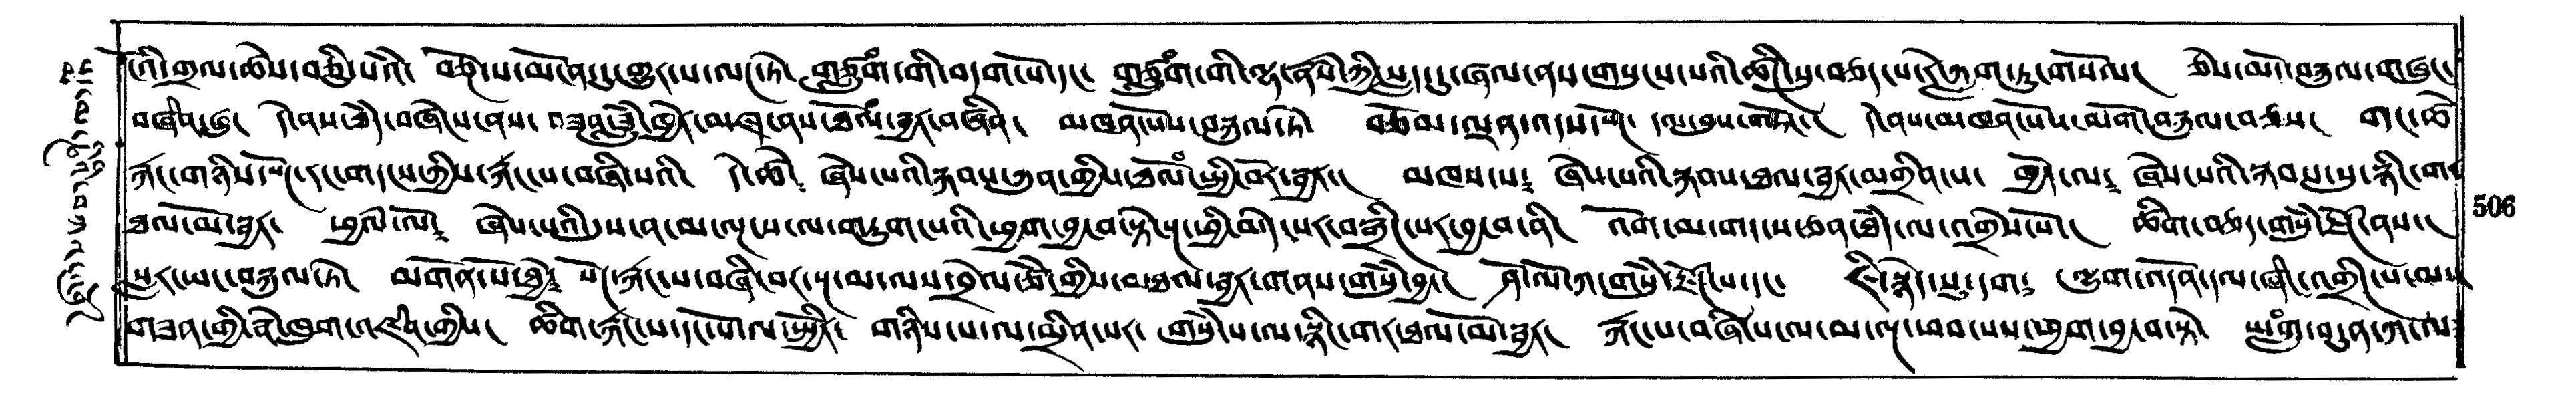ངོའི་གྲལ་ཚེས་བཅུ་བཞི་པའམ་བཅོ་ལྔ་པ་མངོན་དུ་གྱུར་པ་ལགས་ཏེ། གཙུག་ལག་ཁང་གི་བདག་པོ་དང་། གཙུག་ལག་ཁང་གི་ལྷ་རྣམས་ཀྱི་སླད་དུ་ཞལ་ནས་གསུངས་པའི་ཚིགས་སུ་བཅད་པ་རེ་ཀླག་ཏུ་གསོལ།། ཅེས་མདོ་བསྐུལ་གཞུང་
བཞིན་ཞུ། དེ་ནས་ཐམས་ཅད་བཞེངས་ནས་གཟན་ཟླུམ་ཁྱེར་མཛད་ནས་ཐལ་མོ་སྦྱར་བཞིན། མཁན་པོས་བསྐུལ་ཏེ། བཅོམ་ལྡན་འདས་སོགས་དལ་བུས་གདོན། དེ་ནས་མཁན་པོས་འགོ་བསྐུལ་བཅས། གང་ཚེ་
རྐང་གཉིས་སོགས་རང་གདངས་ཀྱིས་རྐང་པ་བཞི་པའི། དེ་ཚེ་ཞེས་པའི་སྐབས་ཀུན་ཀྱིས་ཐལ་མོ་སྤྱི་བོར་སྦྱར། མཁས་པ་ཞེས་པའི་སྐབས་ཐལ་སྦྱར་མགྲིན་པ། ཁྱོད་ལ་ཞེས་པའི་སྐབས་སུ་སྙིང་གར་
ཐལ་མོ་སྦྱར། ཕྱག་འཚལ་ལོ།། ཞེས་པའི་དུས་ན་མ་ལྔ་ས་ལ་གཏུག་པའི་ཕྱག་བྱ་བ་སྟེ་སྔ་ཕྱི་མེད་པར་བསྒྲིགས་པར་བྱ་བ་ནི། འོག་མ་གདངས་ཅན་ཐམས་ཅད་ལ་རིགས་འགྲེའོ།།ཚིགས་བཅད་གསུམ་རྫོགས་ནས། 
སླར་ཡང་བསྐུལ་ཏེ། མགོན་པོ་ཐུགས་རྗེ༴ སོགས་རྐང་པ་བཞི་བར་སྔ་མ་ལས་བྲེལ་ཙམ་གྱིས་ཐལ་སྦྱར་གནས་གསུམ་བྱ། ཤོ་ལོ་ཀ་གསུམ་རྫོགས་པ་དང་། ཇི་སྙེད་སུ་དག༴ ལྷུག་འདོན་དལ་ཞིང་འགྲིགས་པ་ལ་
གཟན་གྱི་སྣེ་ཁུག་འཛིན་གྱིན། ཚིག་རྐང་པ་དང་པོ་ལ་སྤྱི་བོར། གཉིས་པ་ལ་མགྲིན་པར། གསུམ་པ་ལ་སྙིང་གར་ཐལ་མོ་སྦྱར། རྐང་པ་བཞི་པ་ལ་་མ་ལྔ་ཕབ་པས་ཕྱག་བྱ་བ་སྟེ། ཡན་ལག་བདུན་ཀ་ལ་